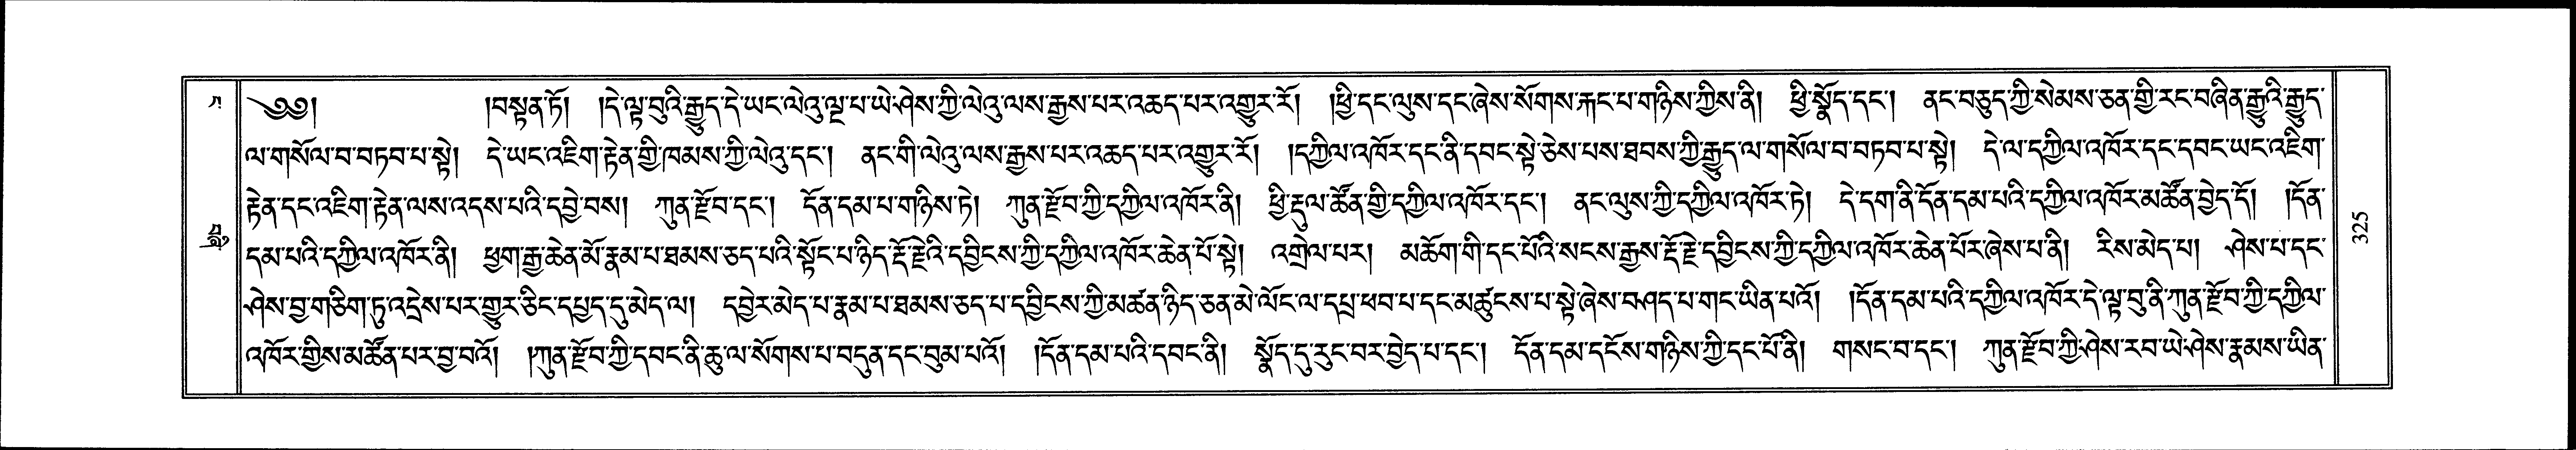༄༅། །བསྟན་ཏོ། །དེ་ལྟ་བུའི་རྒྱུད་དེ་ཡང་ལེའུ་ལྔ་པ་ཡེ་ཤེས་ཀྱི་ལེའུ་ལས་རྒྱས་པར་འཆད་པར་འགྱུར་རོ། །ཕྱི་དང་ལུས་དང་ཞེས་སོགས་རྐང་པ་གཉིས་ཀྱིས་ནི། ཕྱི་སྣོད་དང་། ནང་བཅུད་ཀྱི་སེམས་ཅན་གྱི་རང་བཞིན་རྒྱུའི་རྒྱུད་
ལ་གསོལ་བ་བཏབ་པ་སྟེ། དེ་ཡང་འཇིག་རྟེན་གྱི་ཁམས་ཀྱི་ལེའུ་དང་། ནང་གི་ལེའུ་ལས་རྒྱས་པར་འཆད་པར་འགྱུར་རོ། །དཀྱིལ་འཁོར་དང་ནི་དབང་སྟེ་ཅེས་པས་ཐབས་ཀྱི་རྒྱུད་ལ་གསོལ་བ་བཏབ་པ་སྟེ། དེ་ལ་དཀྱིལ་འཁོར་དང་དབང་ཡང་འཇིག་
རྟེན་དང་འཇིག་རྟེན་ལས་འདས་པའི་དབྱེ་བས། ཀུན་རྫོབ་དང་། དོན་དམ་པ་གཉིས་ཏེ། ཀུན་རྫོབ་ཀྱི་དཀྱིལ་འཁོར་ནི། ཕྱི་རྡུལ་ཚོན་གྱི་དཀྱིལ་འཁོར་དང་། ནང་ལུས་ཀྱི་དཀྱིལ་འཁོར་ཏེ། དེ་དག་ནི་དོན་དམ་པའི་དཀྱིལ་འཁོར་མཚོན་བྱེད་དོ། །དོན་
དམ་པའི་དཀྱིལ་འཁོར་ནི། ཕྱག་རྒྱ་ཆེན་མོ་རྣམ་པ་ཐམས་ཅད་པའི་སྟོང་པ་ཉིད་རྡོ་རྗེའི་དབྱིངས་ཀྱི་དཀྱིལ་འཁོར་ཆེན་པོ་སྟེ། འགྲེལ་པར། མཆོག་གི་དང་པོའི་སངས་རྒྱས་རྡོ་རྗེ་དབྱིངས་ཀྱི་དཀྱིལ་འཁོར་ཆེན་པོར་ཞེས་པ་ནི། རིས་མེད་པ། ཤེས་པ་དང་
ཤེས་བྱ་གཅིག་ཏུ་འདྲེས་པར་གྱུར་ཅིང་དཔྱད་དུ་མེད་ལ། དབྱེར་མེད་པ་རྣམ་པ་ཐམས་ཅད་པ་དབྱིངས་ཀྱི་མཚན་ཉིད་ཅན་མེ་ལོང་ལ་དཔྲ་ཕབ་པ་དང་མཚུངས་པ་སྟེ་ཞེས་བཤད་པ་གང་ཡིན་པའོ། །དོན་དམ་པའི་དཀྱིལ་འཁོར་དེ་ལྟ་བུ་ནི་ཀུན་རྫོབ་ཀྱི་དཀྱིལ་
འཁོར་གྱིས་མཚོན་པར་བྱ་བའོ། །ཀུན་རྫོབ་ཀྱི་དབང་ནི་ཆུ་ལ་སོགས་པ་བདུན་དང་བུམ་པའོ། །དོན་དམ་པའི་དབང་ནི། སྣོད་དུ་རུང་བར་བྱེད་པ་དང་། དོན་དམ་དངོས་གཉིས་ཀྱི་དང་པོ་ནི། གསང་བ་དང་། ཀུན་རྫོབ་ཀྱི་ཤེས་རབ་ཡེ་ཤེས་རྣམས་ཡིན་